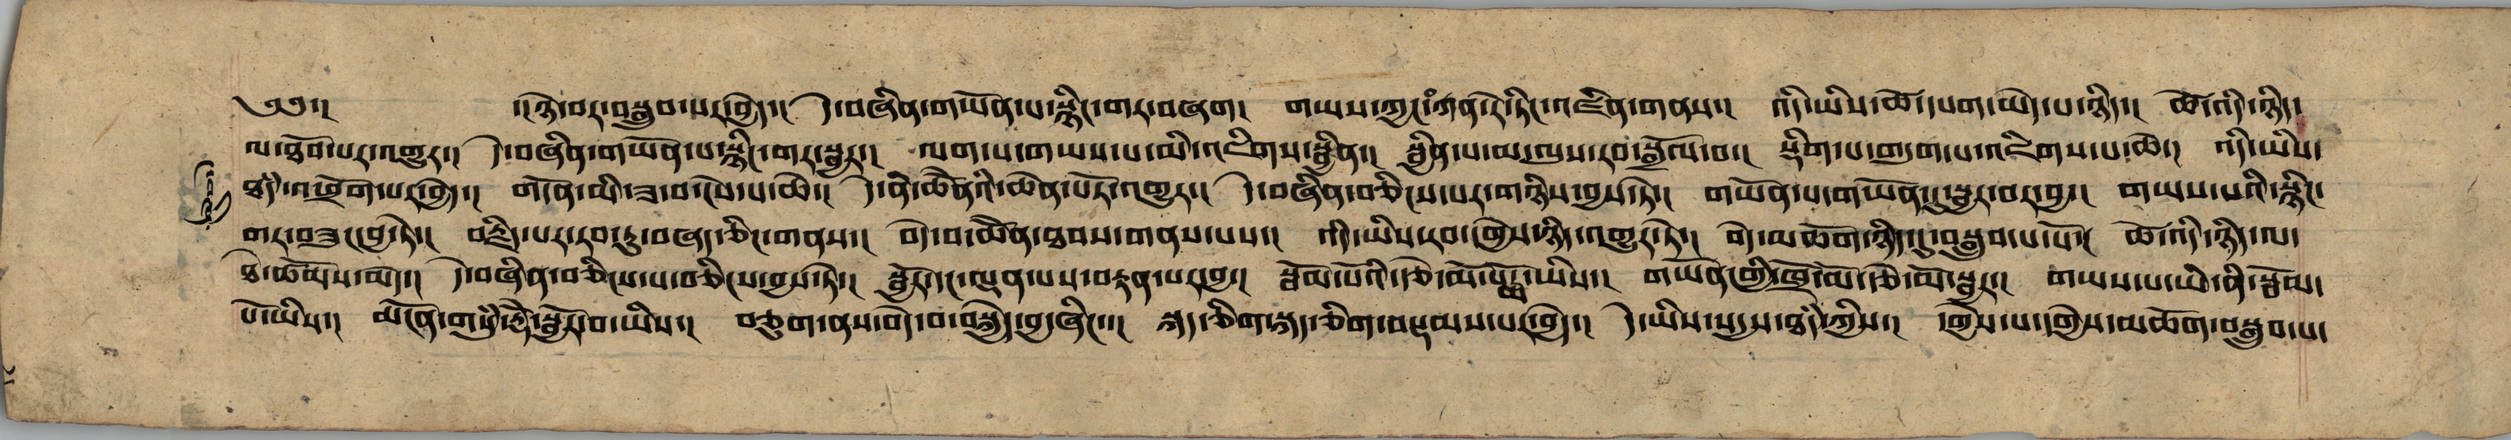༄༅་། ་།ཉེ་བར་བསྒྲུབ་པར་བྱེད་། དེ་བཞིན་གཡོན་པ་སྙིང་གར་བཞག། གཡས་ཀྱང་ཀན་རེ་ཏིང་འཛིན་གནས་། འདི་ཡིས་ཚེ་དཔག་མེད་པ་ཉིད་། ཚེ་འདི་ཉིད་
ལ་ཐོབ་པར་འགྱུར་། དེ་བཞིན་གཡོན་པ་སྙིང་གར་སྦྱར་། ལག་པ་གཡས་པ་མི་འཇིགས་སྦྱིན་། སྦྱིན་པ་མ་ལུས་རབ་སྒྲོལ་བ་། སྡིག་པ་གདུག་པ་འཇིགས་པ་ཆེ་། འདི་ཡིས་
ཐཾད་འཕྲོག་པར་བྱེད་། གདོན་མི་ཟ་བ་ངེས་པ་ཆེ་། དེ་ནི་ཆེནོའི་ཆེན་པོར་འགྱུར་། དེ་བཞིན་བཅིངས་པར་གཉིས་བྱས་ཏེ་། གཡོན་པ་གཡོན་དུ་སྦྱར་བར་བྱ་། གཡས་པའིི་སྙིང་
གར་བཟུང་བྱ་ཏེ་། བརྗིད་པར་རབ་ཏུ་བཞད་ཅིང་གནས་། བདེ་བ་ཆོེན་ཐབས་གནས་པས་། འདི་ཡིས་རབ་དགྱེས་ཉིད་འགྱུར་ཏེ་། བདེ་མཆོག་ཉིད་དུ་བསྒྲུབ་པ་པོ་། ཚེ་འདི་ཉིད་ལ་
ཐེ་ཚོམས་མེད་། དེ་བཞིན་བཅིངས་པ་བཅིངས་བྱས་ཏེ་། སྦྱོར་དང་ལྡན་པས་བརྟན་པར་བྱ་། སྦོམ་པོའི་རྩེ་མོ་པདྨོ་ཡིས་། གཡོན་གྱི་ཁྲོ་མོ་རྩེ་མོ་སྦྱར་། གཡས་པ་ཡེ་ནི་སྦོམ་
པོ་ཡིས་། མངོན་གསུཾ་རྡོེ་སྦྱོར་བ་ཡིས་། བཅུག་ནས་བདེ་བ་བསྐྱེད་བྱ་ཞིང་་། སྐད་ཅིག་སྐད་ཅིག་བསྡམས་པར་བྱེད་། དེ་ཡིས་སདྱས་ཐཾད་ཀྱིས་། དགྱེས་པ་དགྱེས་མཆོག་བསྒྲུབ་པ་